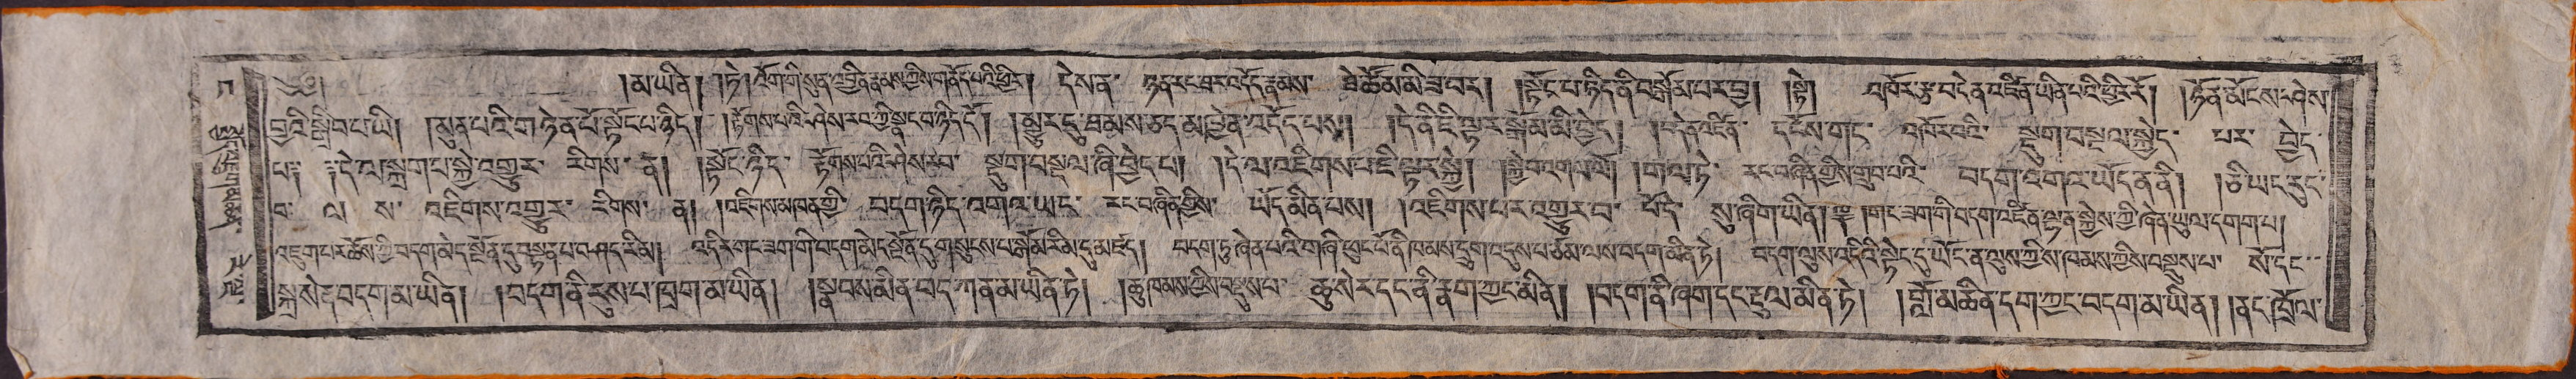༄༅། །མ་ཡིན། །ཏེ། འོག་གི་སུན་འབྱིན་རྣམས་ཀྱིས་གནོད་པའི་ཕྱིར།  དེས་ན་ཉན་རང་ཐར་འདོད་རྣམས་ཐེ་ཚོམ་མི་ཟ་བར། །སྟོང་པ་ཉིད་ནི་བསྒོམ་པར་བྱ། །སྟེ། འཁོར་རྩ་བདེན་འཛིན་ཡིན་པའི་ཕྱིར་རོ།  །ཉོན་མོངས་ཤེས་
བྱའི་སྒྲིབ་པ་ཡི། །མུན་པའི་གཉེན་པོ་སྟོང་པ་ཉིད། །རྟོགས་པའི་ཤེས་རབ་ཀྱི་སྣང་བ་ཉིད་དོ།  །མྱུར་དུ་ཐམས་ཅད་མཁྱེན་འདོད་པས། །དེ་ནི་ཇི་ལྟར་སྒོམ་མི་བྱེད། །བདེན་འཛིན་དངོས་གང་འཁོར་བའི་སྡུག་བསྔལ་སྐྱེད་བར་བྱེད་
པ།  །དེ་ལ་སྐྲག་པ་སྐྱེ་འགྱུར་རིགས་ན། །སྟོང་ཉིད་རྟོགས་པའི་ཤེས་རབ་སྡུག་བསྔལ་ཞི་བྱེད་པ། །དེ་ལ་འཇིགས་པ་ཇི་ལྟར་སྐྱེ། །སྐྱེ་བ་འགལ་ལོ།  །གལ་ཏེ་རང་བཞིན་གྱིས་གྲུབ་པའི་བདག་འགའ་ཡོད་ན་ནི། །ཅི་ཡང་རུང་
བ་ལས་འཇིགས་འགྱུར་རིགས་ན། །འཇིགས་མཁན་གྱི་བདག་ཉིད་འགའ་ཡང་རང་བཞིན་གྱིས་ཡོད་མིན་པས། །འཇིགས་པར་འགྱུར་བ་པོ་དེ་སུ་ཞིག་ཡིན། ༈ །གང་ཟག་གི་བདག་འཛིན་ལྷན་སྐྱེས་ཀྱི་ཞེན་ཡུལ་དགག་པ།
འཇུག་པར་ཆོས་ཀྱི་བདག་མེད་སྔོན་དུ་བསྟན་པ་བཤད་རིམ། འདིར་གང་ཟག་གི་བདག་མེད་སྔོན་དུ་གསུངས་པ་སྒོམ་རིམ་དུ་མཛད། བདག་ཏུ་ཞེན་པའི་གཞི་ཕུང་པོ་ནི་ཁམས་དྲུག་འདུས་པ་ཙམ་ལས་བདག་མིན་ཏེ། བདག་ལུས་འདིའི་སྟེང་དུ་ཡོད་ན་ལུས་གྱིས་ཁམས་ཀྱིས་བསྡུས་པ་སོ་དང་
སྐྲ་སེན་བདག་མ་ཡིན། །བདག་ནི་རུས་པ་ཁྲག་མ་ཡིན། །སྣབས་མིན་བད་ཀན་མ་ཡིན་ཏེ། །ཆུ་ཁམས་ཀྱིས་བསྡུས་པ་ཆུ་སེར་དང་ནི་རྣག་ཀྱང་མིན། །བདག་ནི་ཞག་དང་རྡུལ་མིན་ཏེ། །གློ་མཆིན་དག་ཀྱང་བདག་མ་ཡིན། །ནང་ཁྲོལ་